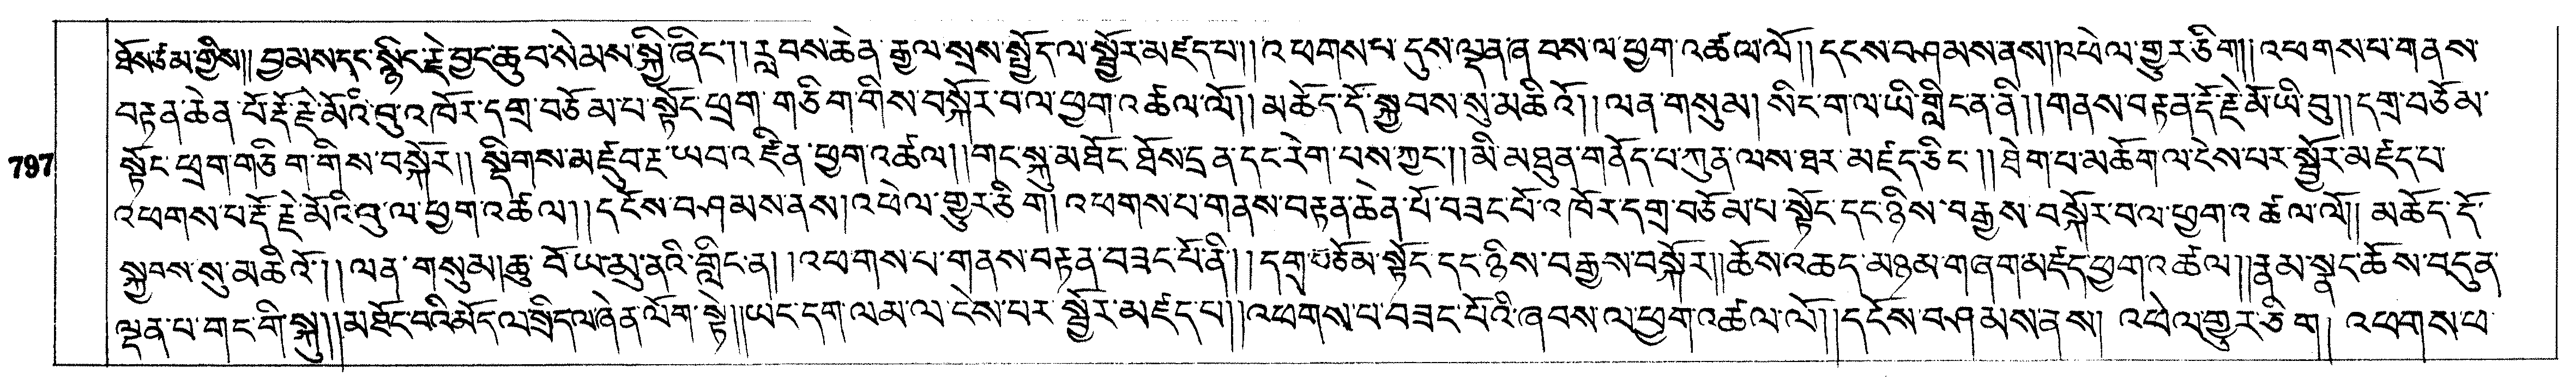ཐོས་ཙམ་གྱིས། །བྱམས་དང་སྙིང་རྗེ་བྱང་ཆུབ་སེམས་སྐྱི་ཞིང་། །རླབས་ཆེན་རྒྱལ་སྲས་སྤྱོད་ལ་སྦྱོར་མཛད་པ། །འཕགས་པ་དུས་ལྡན་ཞབས་ལ་ཕྱག་འཚལ་ལོ། །དངོས་བཤམས་ནས། །འཕེལ་གྱུར་ཅིག། །འཕགས་པ་གནས་
བརྟན་ཆེན་པོ་རྡོ་རྗེ་མོའི་བུ་འཁོར་དགྲ་བཅོམ་པ་སྟོང་ཕྲག་གཅིག་གིས་བསྐོར་བ་ལ་ཕྱག་འཚལ་ལོ། །མཆོད་དོ་སྐྱབས་སུ་མཆིའོ། །ལན་གསུམ། སིང་ག་ལ་ཡི་གླིང་ན་ནི། །གནས་བརྟན་རྡོ་རྗེ་མོ་ཡི་བུ། །དགྲ་བཅོམ་
སྟོང་ཕྲག་གཅིག་གིས་བསྐོར། །སྡིགས་མཛུབ་རྔ་ཡབ་འཛིན་ཕྱག་འཚལ། །གང་སྐུ་མཐོང་ཐོས་དྲན་དང་རེག་པས་ཀྱང་། །མི་མཐུན་གནོད་པ་ཀུན་ལས་ཐར་མཛད་ཅིང་། །ཐེག་པ་མཆོག་ལ་ངེས་པར་སྦྱོར་མཛད་པ་
འཕགས་པ་རྡོ་རྗེ་མོའི་བུ་ལ་ཕྱག་འཚལ། །དངོས་བཤམས་ནས། འཕེལ་གྱུར་ཅིག །འཕགས་པ་གནས་བརྟན་ཆེན་པོ་བཟང་པོ་འཁོར་དགྲ་བཅོམ་པ་སྟོང་དང་ཉིས་བརྒྱས་བསྐོར་བ་ལ་ཕྱག་འཚལ་ལོ། །མཆོད་དོ་
སྐྱབས་སུ་མཆིའོ། །ལན་གསུམ། ཆུ་བོ་ཡ་མུ་ནའི་གླིང་ན། །འཕགས་པ་གནས་བརྟན་བཟང་པོ་ནི། །དགྲ་བཅོམ་སྟོང་དང་ཉིས་བརྒྱས་བསྐོར། །ཆོས་འཆད་མཉམ་གཞག་མཛད་ཕྱག་འཚལ། །རྣམ་སྣང་ཆོས་བདུན་
ལྡན་པ་གང་གི་སྐུ། །མཐོང་བའི་མོད་ལ་སྲིད་ལ་ཞེན་ལོག་སྟེ། །ཡང་དག་ལམ་ལ་ངེས་པར་སྦྱོར་མཛད་པ། །འཕགས་པ་བཟང་པོའི་ཞབས་ལ་ཕྱག་འཚལ་ལོ། །དངོས་བཤམས་ནས། འཕེལ་གྱུར་ཅིག །འཕགས་ཕ་